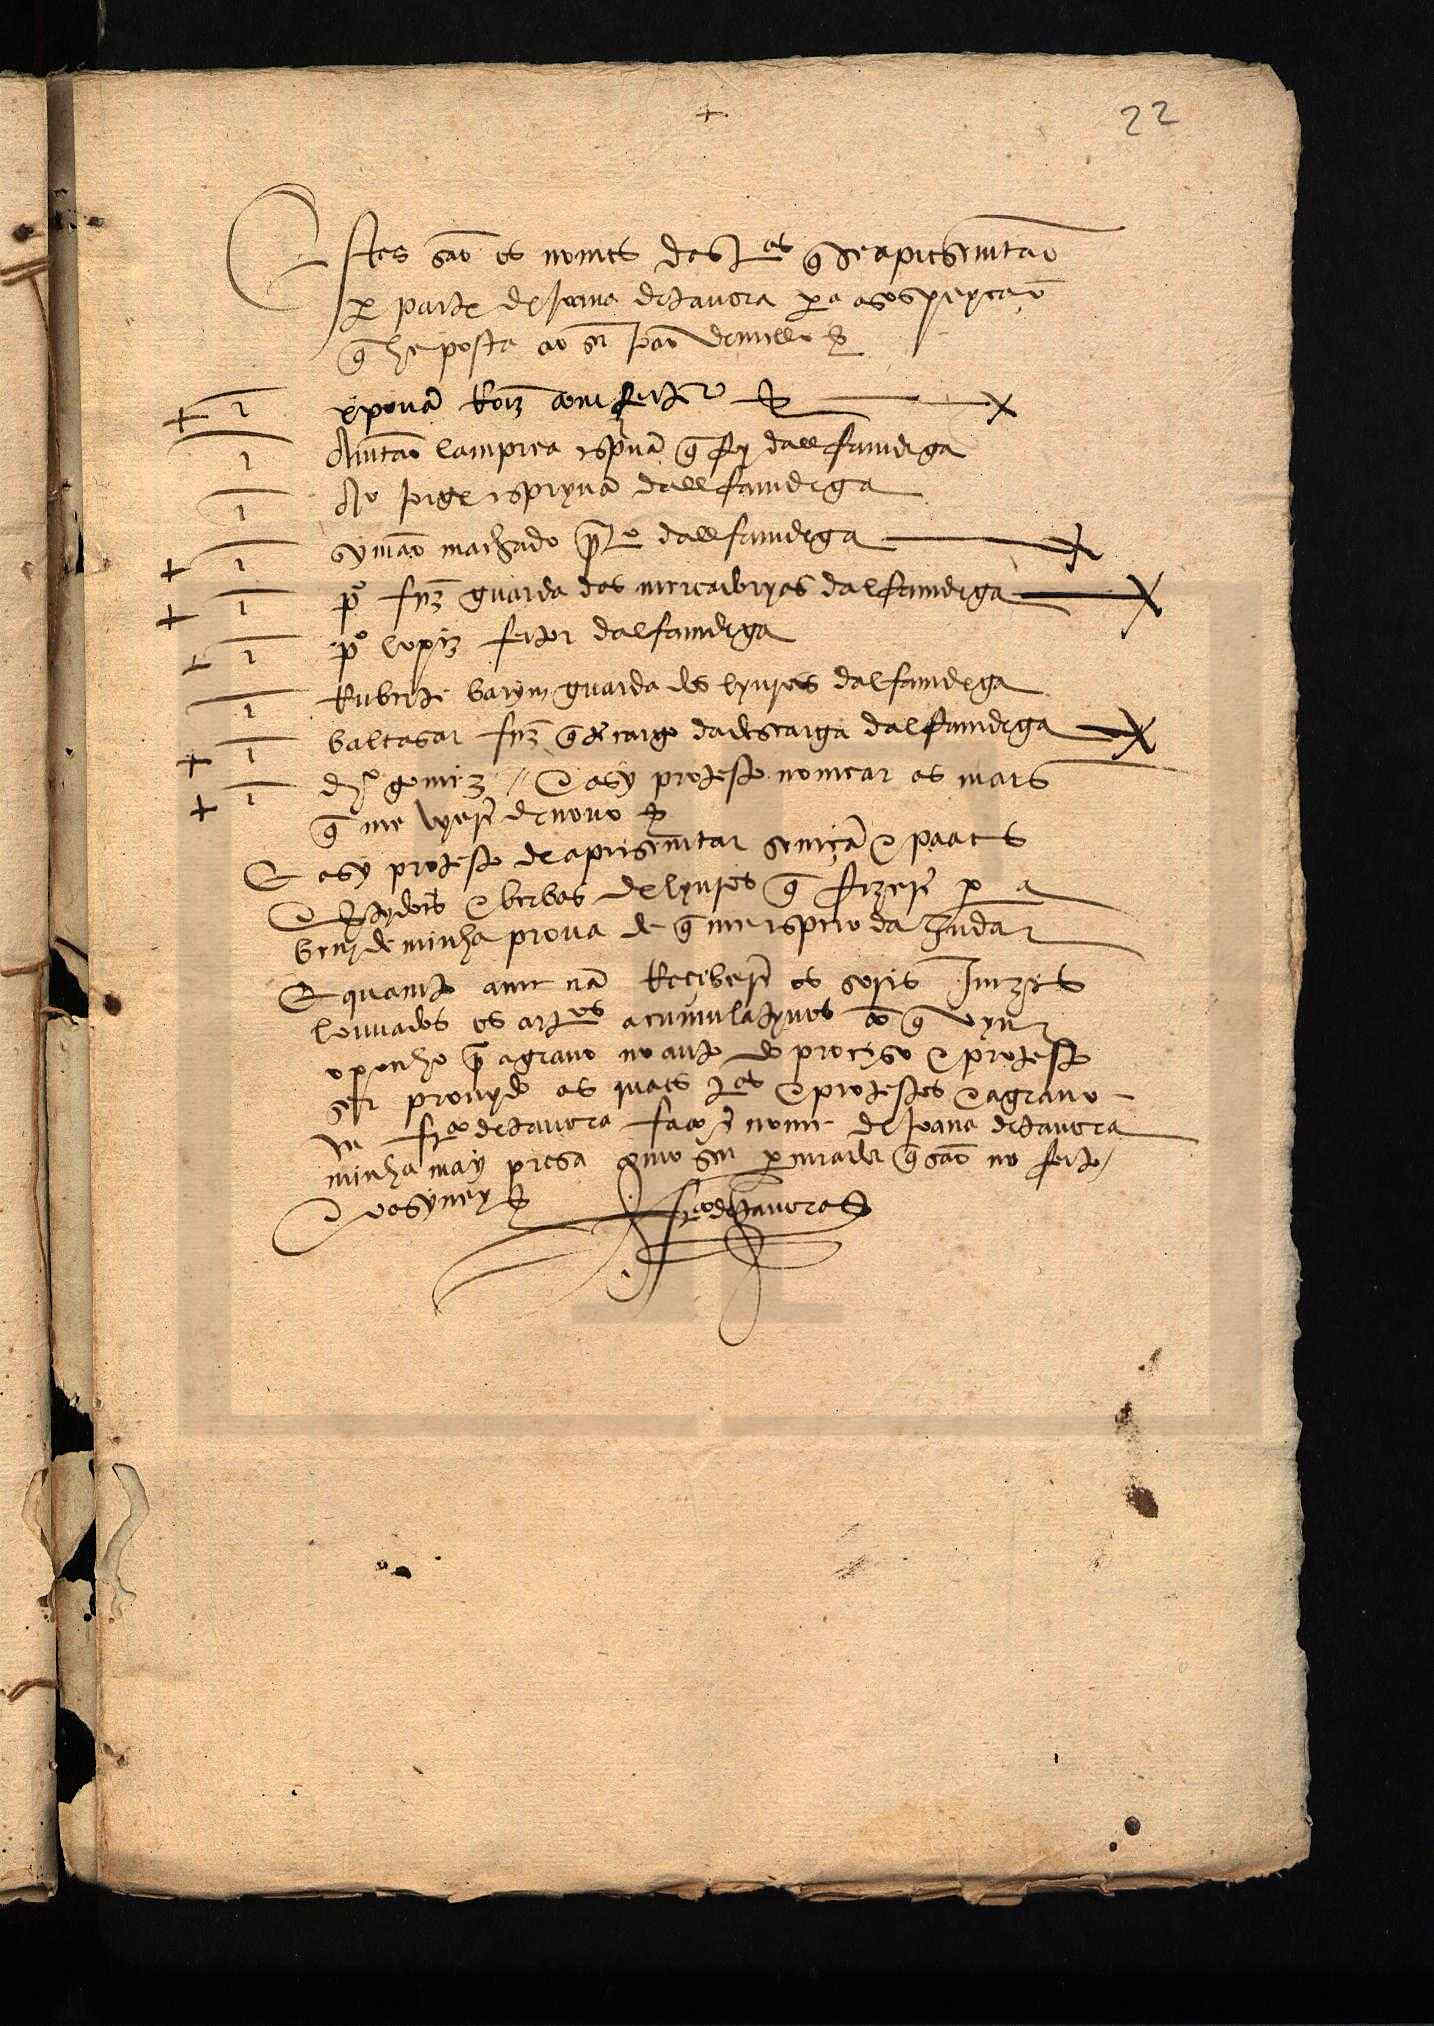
Estes são os nomes das tas q̄ se apresemtão
ꝑ parte de Joana de tauora ꝑa a sospeyção
q̄ he posta ao s̄or João de mello
+ item xpouā Rōiz comfeitro
item Amtão lamprea espiuā q̄ foy dallfamdega
item Ao Jorge espryuā dallfamdega
+ item symão machado p̄to dallfamdega
+ item po frrz̄ guarda dos mercadoryas dalfamdega
+ item po lopez feitor dalfamdega
item Ruberte barym guarda dos lyuros dalfamdega
+ item baltasar frrz̄ q̄ tē cargo da descarga dalfamdega
+ item djo gomez / e asy protesto nomear as mais
q̄ me vyerē de nouo
E asy protesto de apresemtar semçā e paaes
e ꞩtydoẽs e verbas de lyuros q̄ fizerē ꝑa
bem de minha proua de q̄ me espero daJudar
E quamto a me nā Receberē os sores Juizes
louuados os artos acumulatyuos c̄o q̄ vym
oponho p̄o agrauo no auto do proceso e protesto
ser prouydo as quaes tas e protestos e agrauo
eu frco de tauora faço ē nome de Joana de tauora
minha may presa como seu ꝓcurador q̄ são no feito /
e o asyney
frco de tauora
